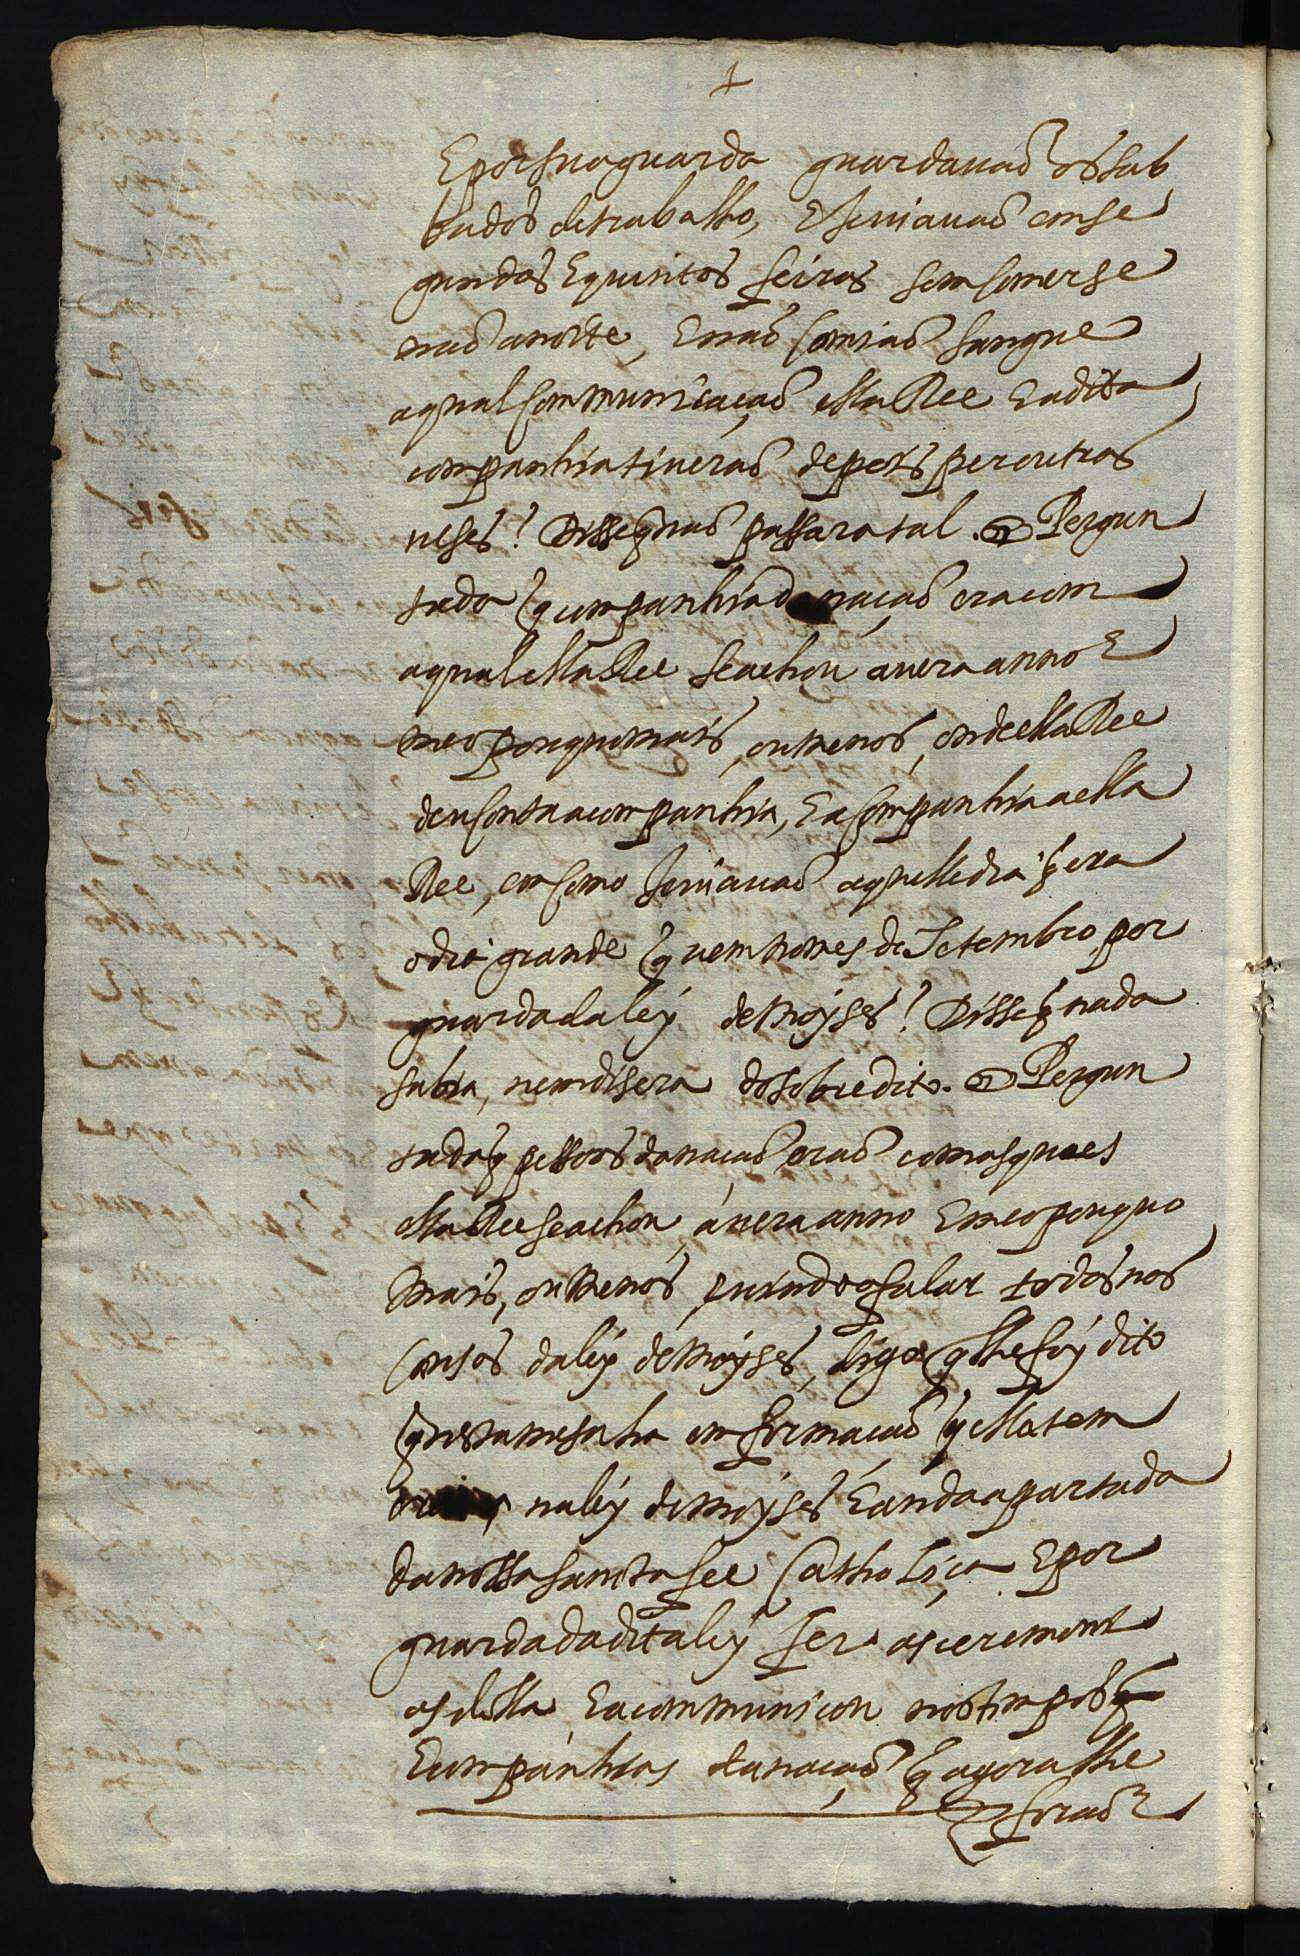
E por sua guarda guardauaõ os sab
bados de trabalho, E Jeiuauaõ em se
gundas E quintas feiras sem Comer se
naõ a noite, E naõ Comiaõ sangue
a qual Communicaçaõ ella Ree E a dita
companhia tiueraõ depois per outras
ueses? Disse q̄ naõ passara tal. ⁋ Pergun
tada q̄ companhia d_ naçaõ era com
a qual ella Ree se achou auera anno E
meo pouquo mais, ou menos, onde ella Ree
deu Conta a companhia, E a Companhia a ella
Ree em Como Jeiuauaõ aquelle dia q̄ era
o dia grande q̄ uem no mes de Setembro, por
guarda da ley de moyses? Disse q̄ nada
sabia, nem disera do sobredito. ⁋ Pergun
tada q̄ pessoas da naçaõ eraõ com as quaes
ella Ree se achou, auera anno E meo pouquo
mais, ou menos, e uindo a falar todos nas
cousas da ley de moyses, digo q̄ lhe foy dito
q̄ nesta mesa ha emformacaõ q̄ ella tem
cr____ na ley de moyses E anda apartada
da nossa sancta fee Catholica E por
guarda da dita ley fez as ceremone
as della E a communicou nos tempos q̄
E companhias da naçaõ q agora lhe
foraõ
